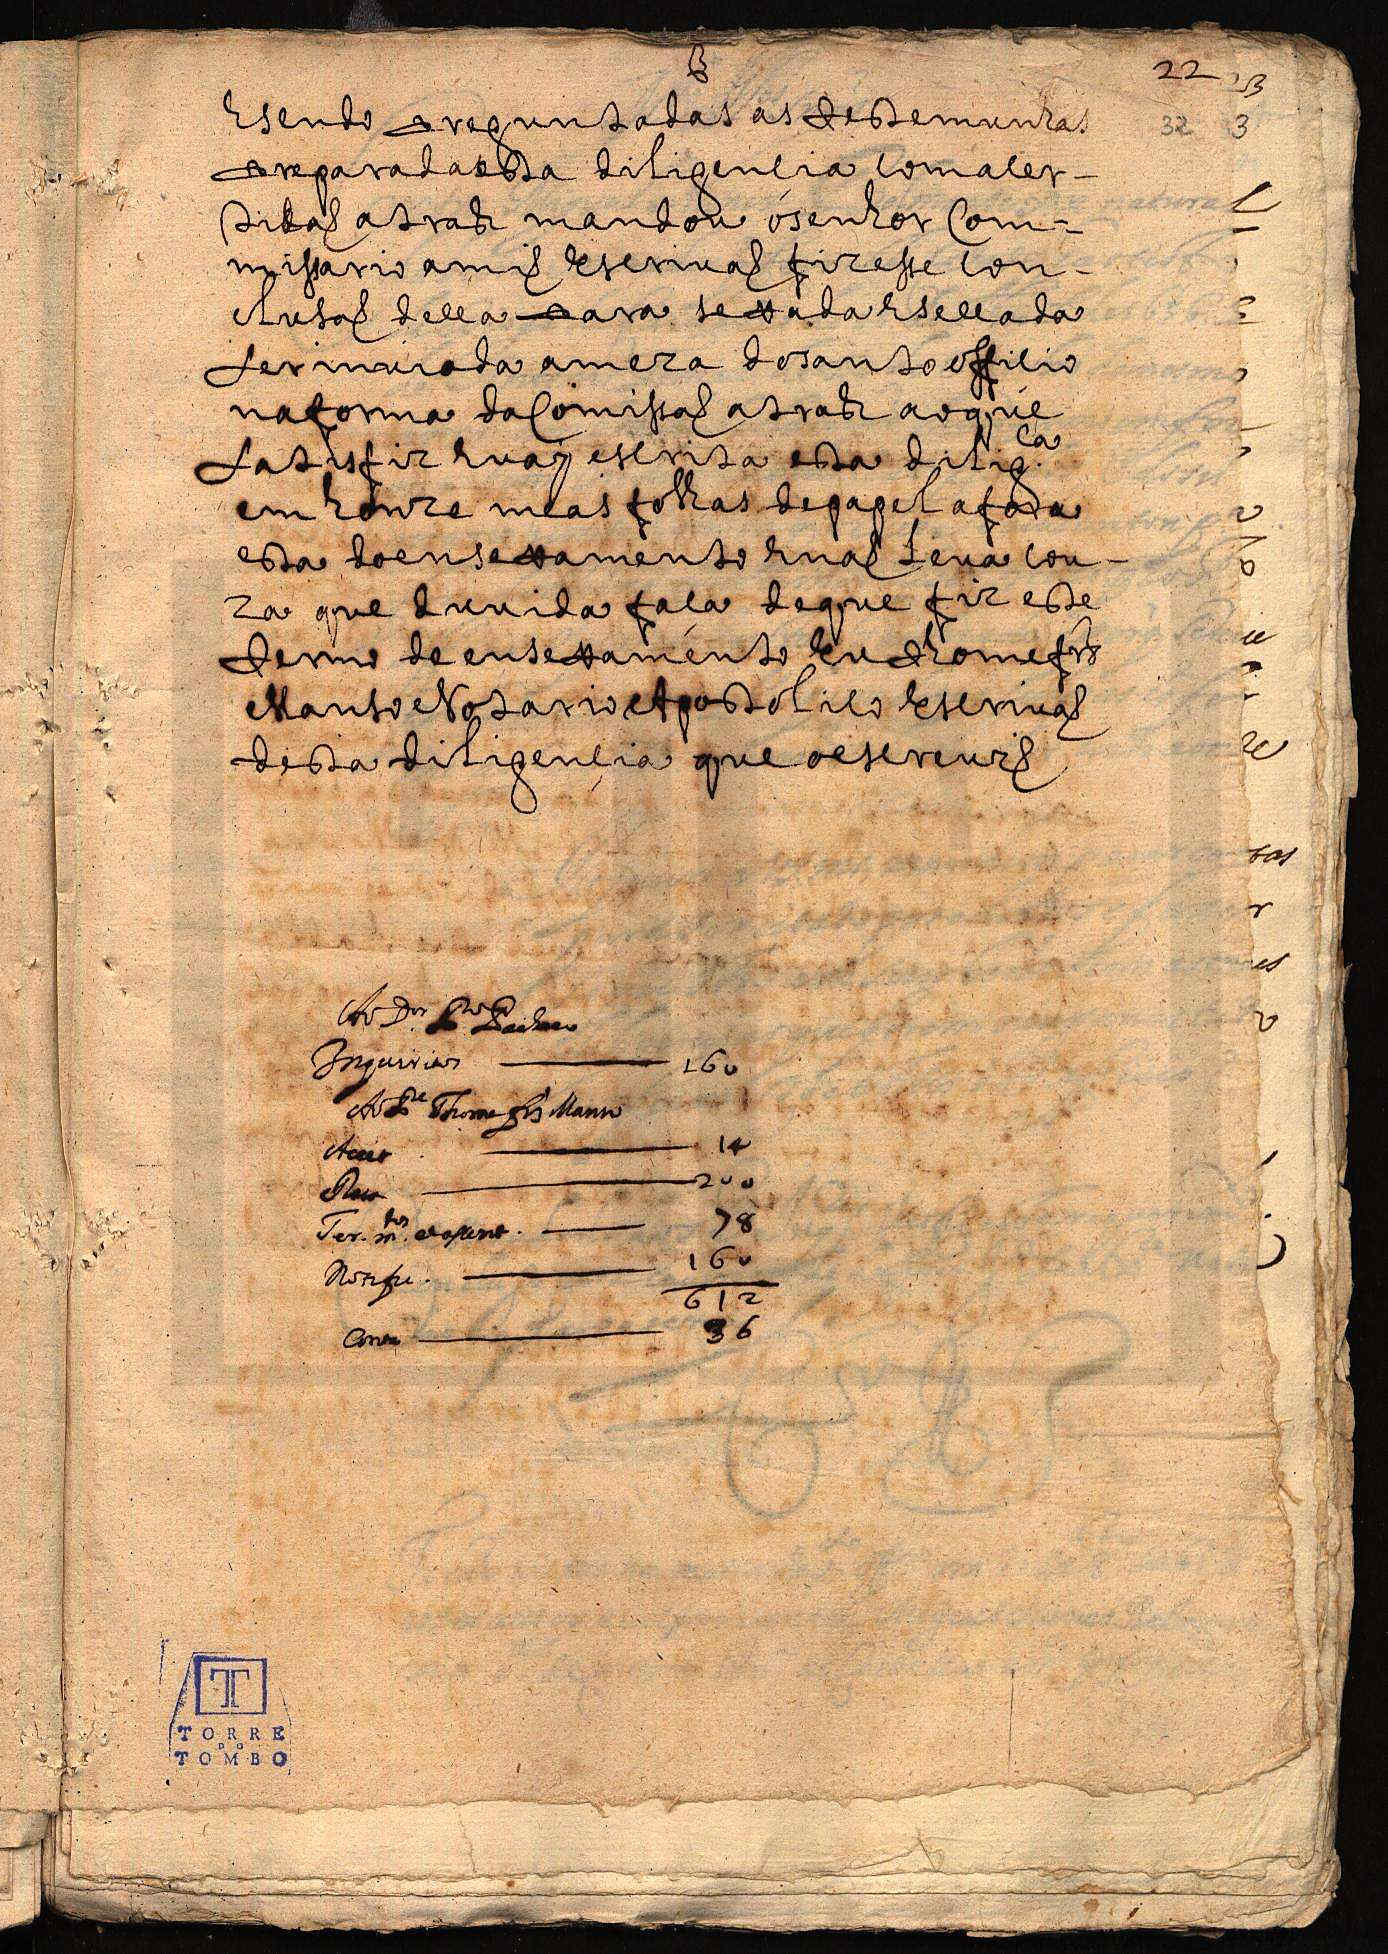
E sendo preguntadas as testemunhas
preparada esta diligencia com a cer
tidaõ atras mandou o senhor Com
missario a mī Escriuaõ fizesse con
cluzaõ della para seRada E sellada
ser inuiada a meza do santo officio
na forma da Comissaõ atras ao que
satisfiz E uaj escrita esta dilig.ca
em honze meas folhas de papel afora
esta do enseRamento E naõ leua cou
za que duvida faça de que fiz este
termo de enseRamento Eu thome frz̄
Manso Notario Apostolico Escriuaõ
desta diligencia que o escreui
Ao D.or P.o Pacheco
Jnquiritos - 160
Ao P.e Thome frz̄ Manso
Aceit. - 14
Rasa - 200
Ter. mtos. e assent. ‒ 78
Notific. ‒ 160
612
Conta - 36
